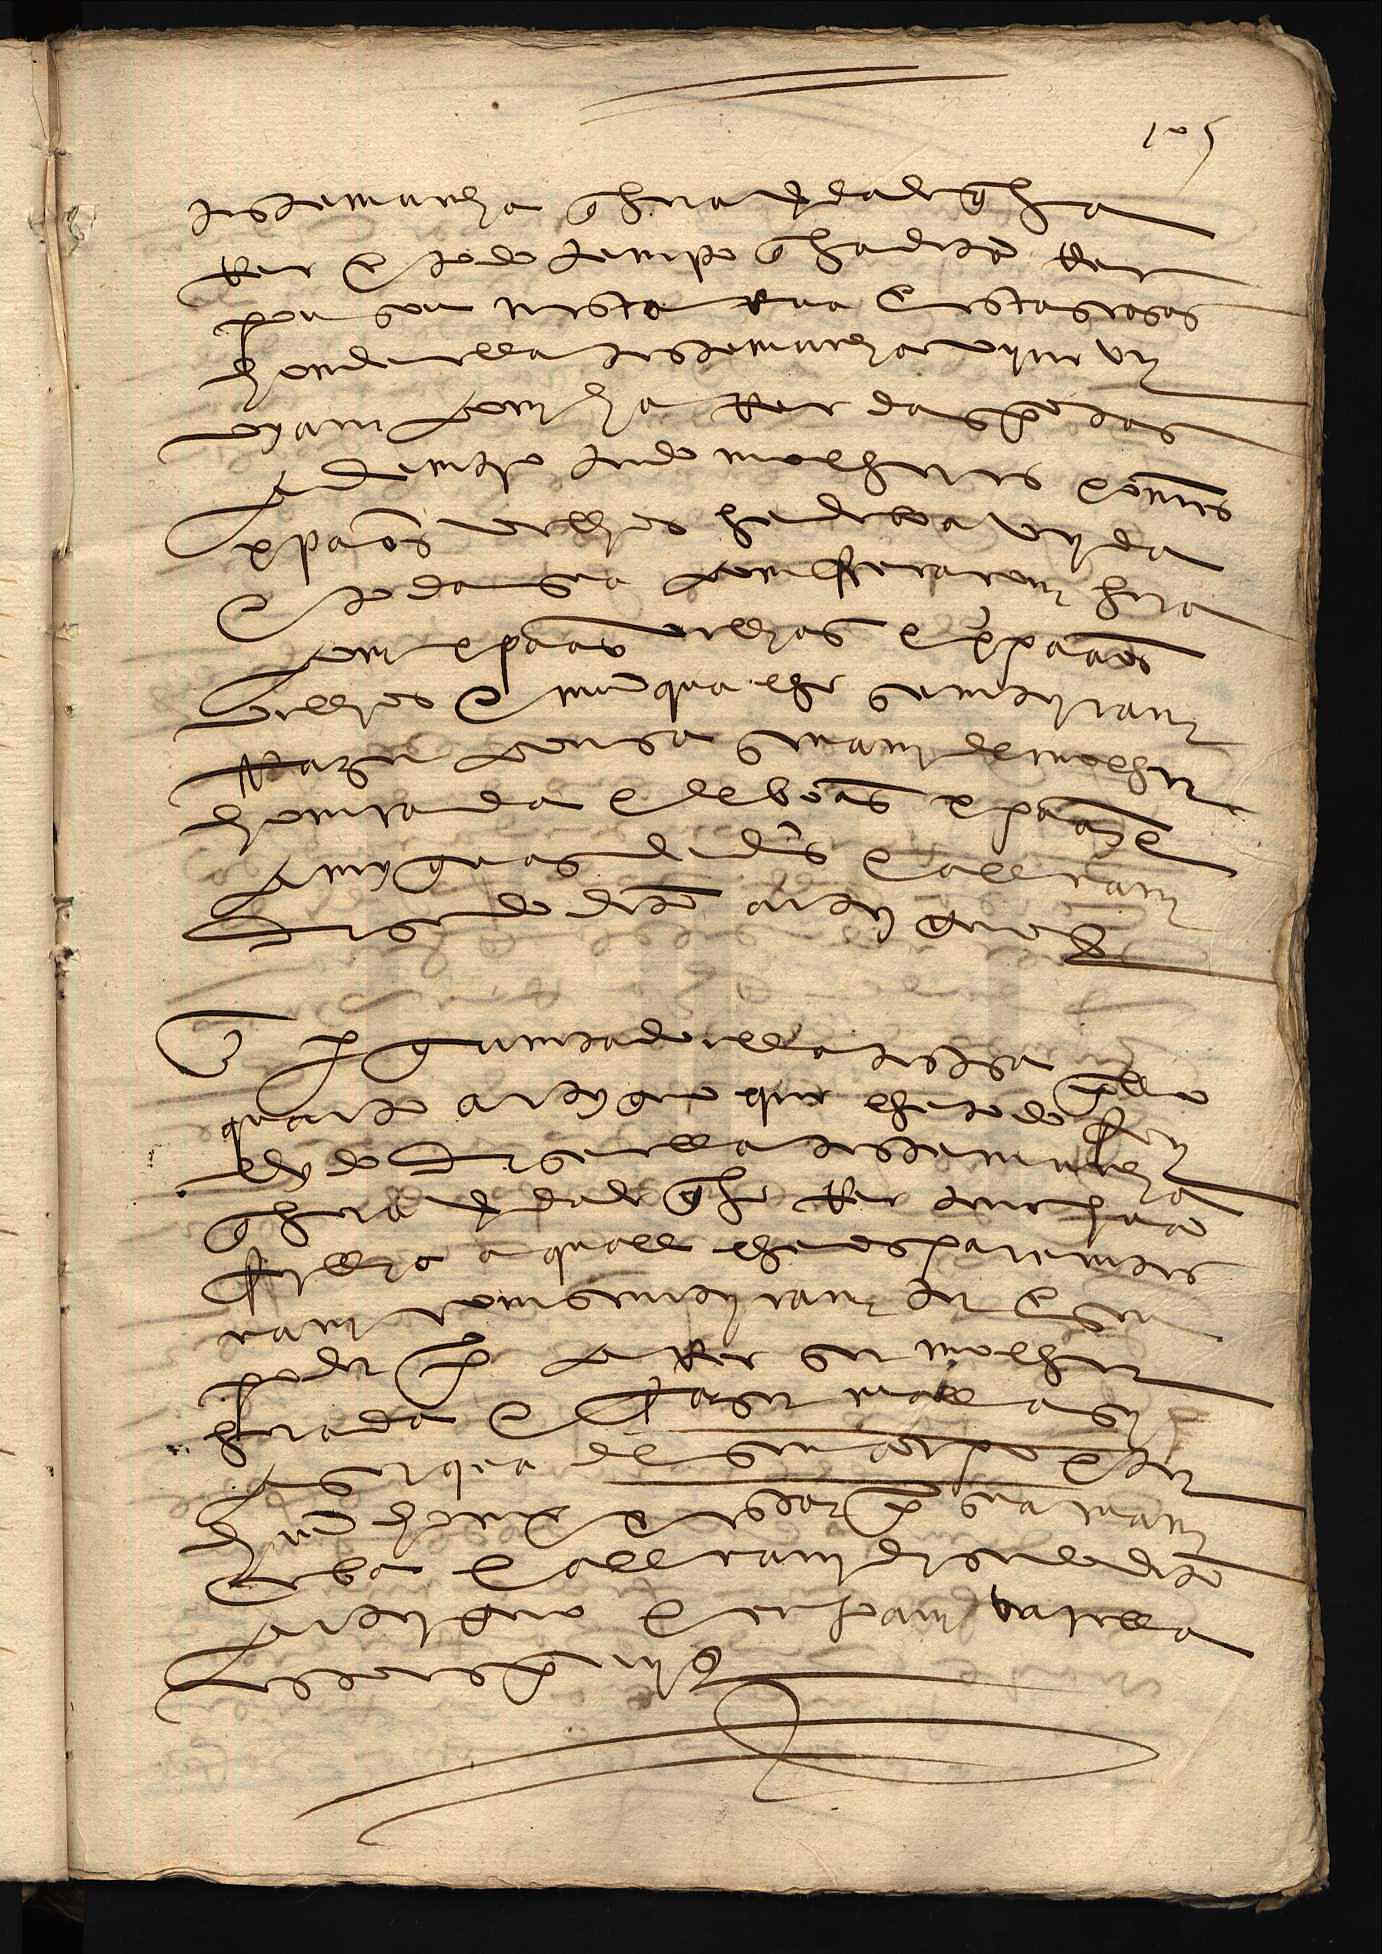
testemunha q̄ hera ꝟdade q̄ ha
Ree ē todo tempo q̄ ha ditā Ree
pousou nesta Rua ē estas casas
honde ella testemunha vyue vy
vyam com ha Ree das p̄otas
ademtro tudo molheres e om̄es
xpaõs velhos he de boa vyda
e toda sua comfrecaçom hera
com xpāas velhas e xpaãos
velhos e mūqua lhe semtyram
ffazer cousa senam de molher
homrada e de boās xpāa e
amyguas de ds̄ e all nam
dise do dito artyguo
item ꝑgumtado ella testa p̄llo
quarto artyguo que lhe todo foy
llydo dise ella testemunha
q̄ hera ꝟdade q̄ ho Ree teue huā
fjlha a quall lhe os paremtes
nam comsemtyram ter ē seu
poder p̄o a Ree ser molher
herada e fazer mall asy
aserqua de seu corpo e ter
huū homē e estar p̄o sua mam
Ceba e all nam dise do dito
artyguo e eu Joam varella
esto esp̄uy
